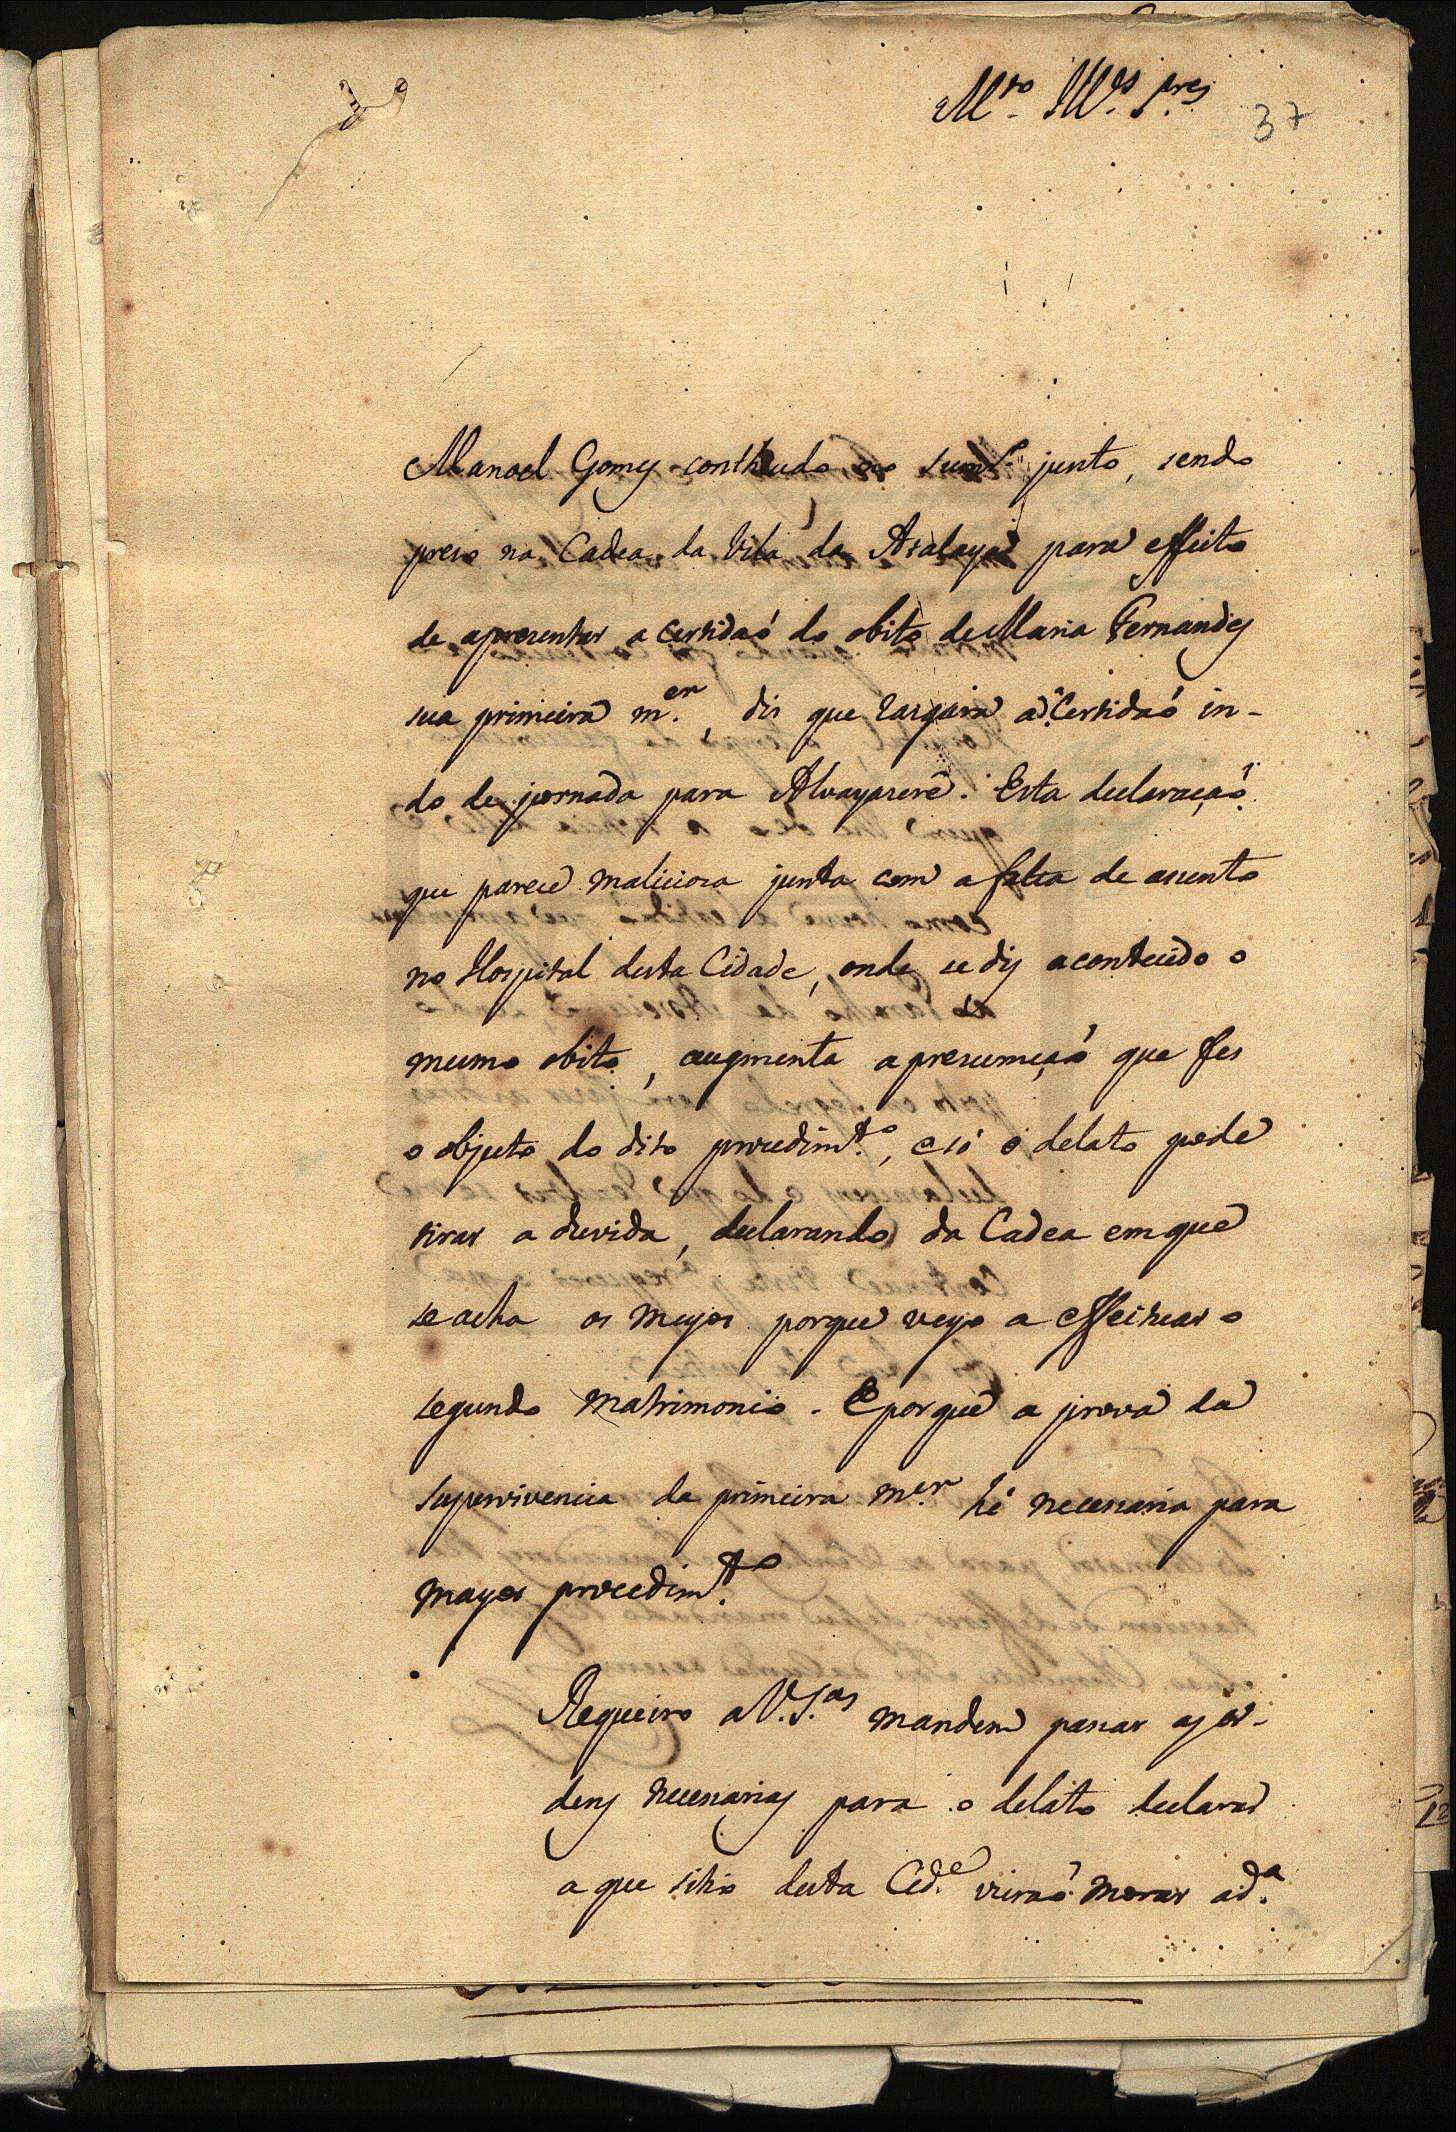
M.to Ill.es s.res
Manoel Gomes conth_udo no sumr.o junto, sendo
preso na Cadea da Vila da Atalaya para effeito
de aprezentar a certidaõ do obito de Maria Fernandes
sua primeira m.er, dis que Rasgara a certidaõ in
do de jornada para Alvayazere: Esta declaraçaõ.
que pareçe malicioza junta com a falta de assento
no Hospital desta Cidade, onde se dis acontecido o
mesmo obito, augmenta a prezumçaõ que fes
o objeto do dito procedim.to, e só o delato pode
tirar a duvida, declarando da Cadea em que
se acha os meyos porque veyo a effeituar o
segundo matrimonio. E porque a prova da
superviuencia da primeira m.er hé necessaria para
mayor procedim.to
Requeiro a V. S.as mandem passar as or
dens necessarias para o delato declarar
a que sitio desta Cid.e vieraõ morar a d.a
